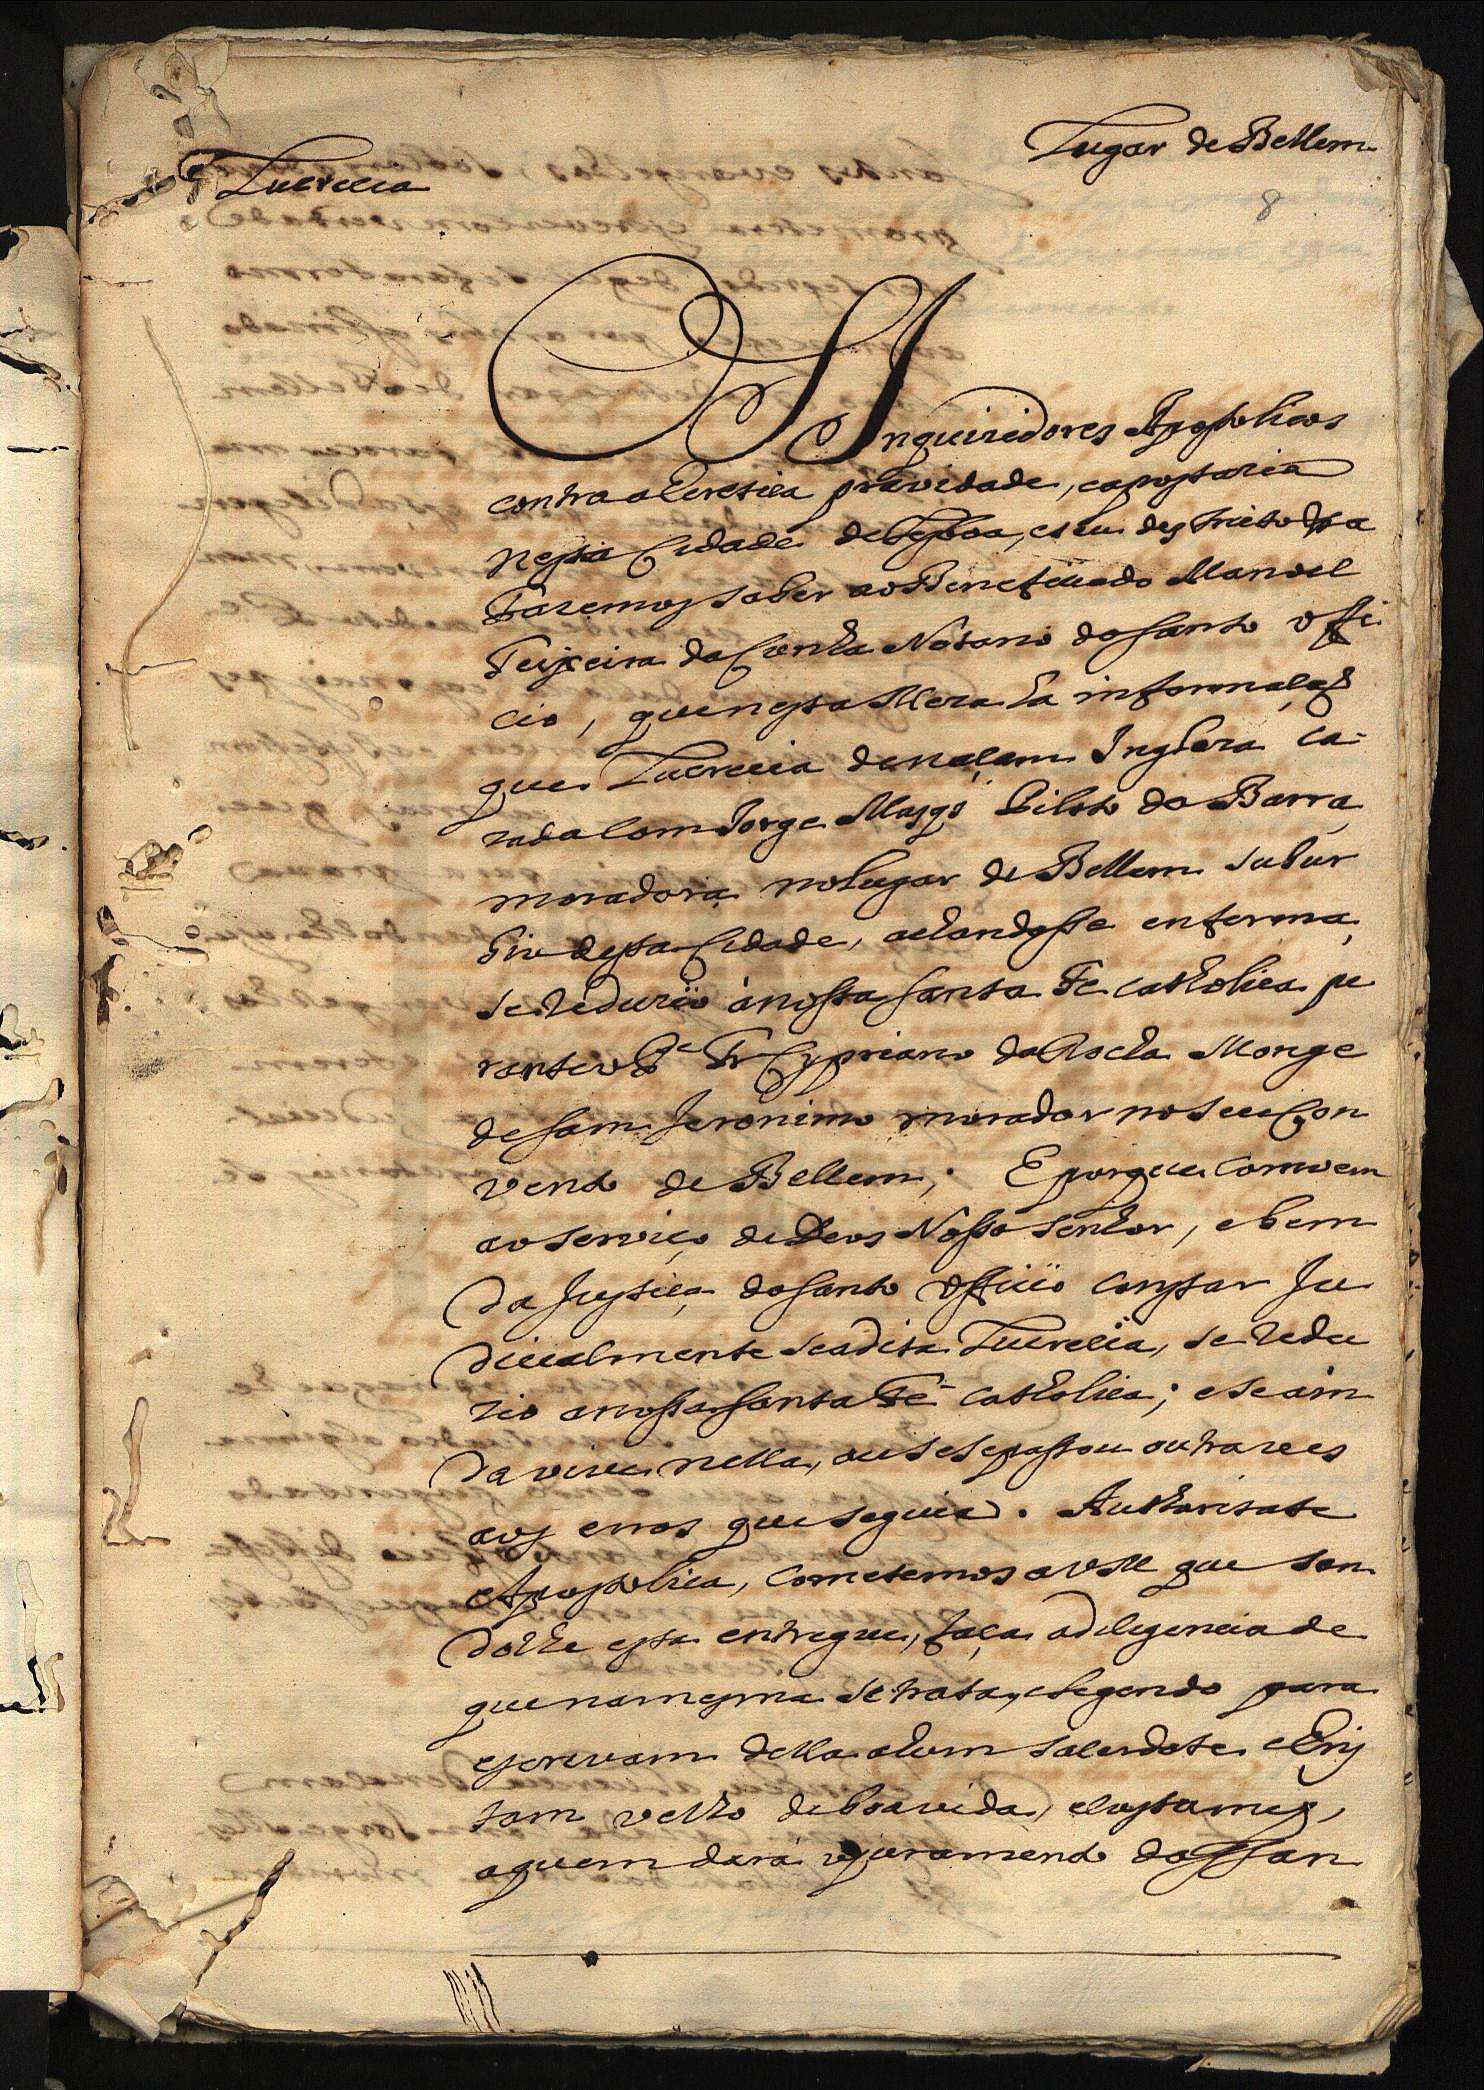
Lucrecia
Lugar de Bellem
OS Inquizidores Apostolicos
contra a heretica pravidade, e apostazia
nesta Cidade de Lisboa, e seu destricto &a
Fazemos saber ao Beneficiado Manoel
Teyxeira da Cunha Notario do santo offi
cio, que nesta Meza ha informaçaõ
que Lucrecia de naçam Ingleza ca
zada com Iorge Masqs Piloto da Barra
moradora no Lugar de Bellem subur
bio desta Cidade, achandosse enferma,
se Reduzio a nossa santa Fe catholica pe
rante o Pe Fr Cypriano da Rocha Monge
de sam Jeronimo morador no seu Con
vento de Bellem; E porque comvem
ao serviço de Deos Nosso senhor, e bem
da Justiça do santo officio constar Ju
dicialmente se a dita Lucrecia, se Redu
zio a nossa santa Fé catholica; e se ain
da vive nella, ou se se passou outra ves
aos erros que seguia. Authoritate
Apostolica, cometemos a VM que sen
dolhe esta entregue, faça a diligencia de
que na mesma se trata, elegendo para
escrivam della a hum sacerdote e chris
tam velho de boa vida, e custumes,
a quem dará o juramento dos san
